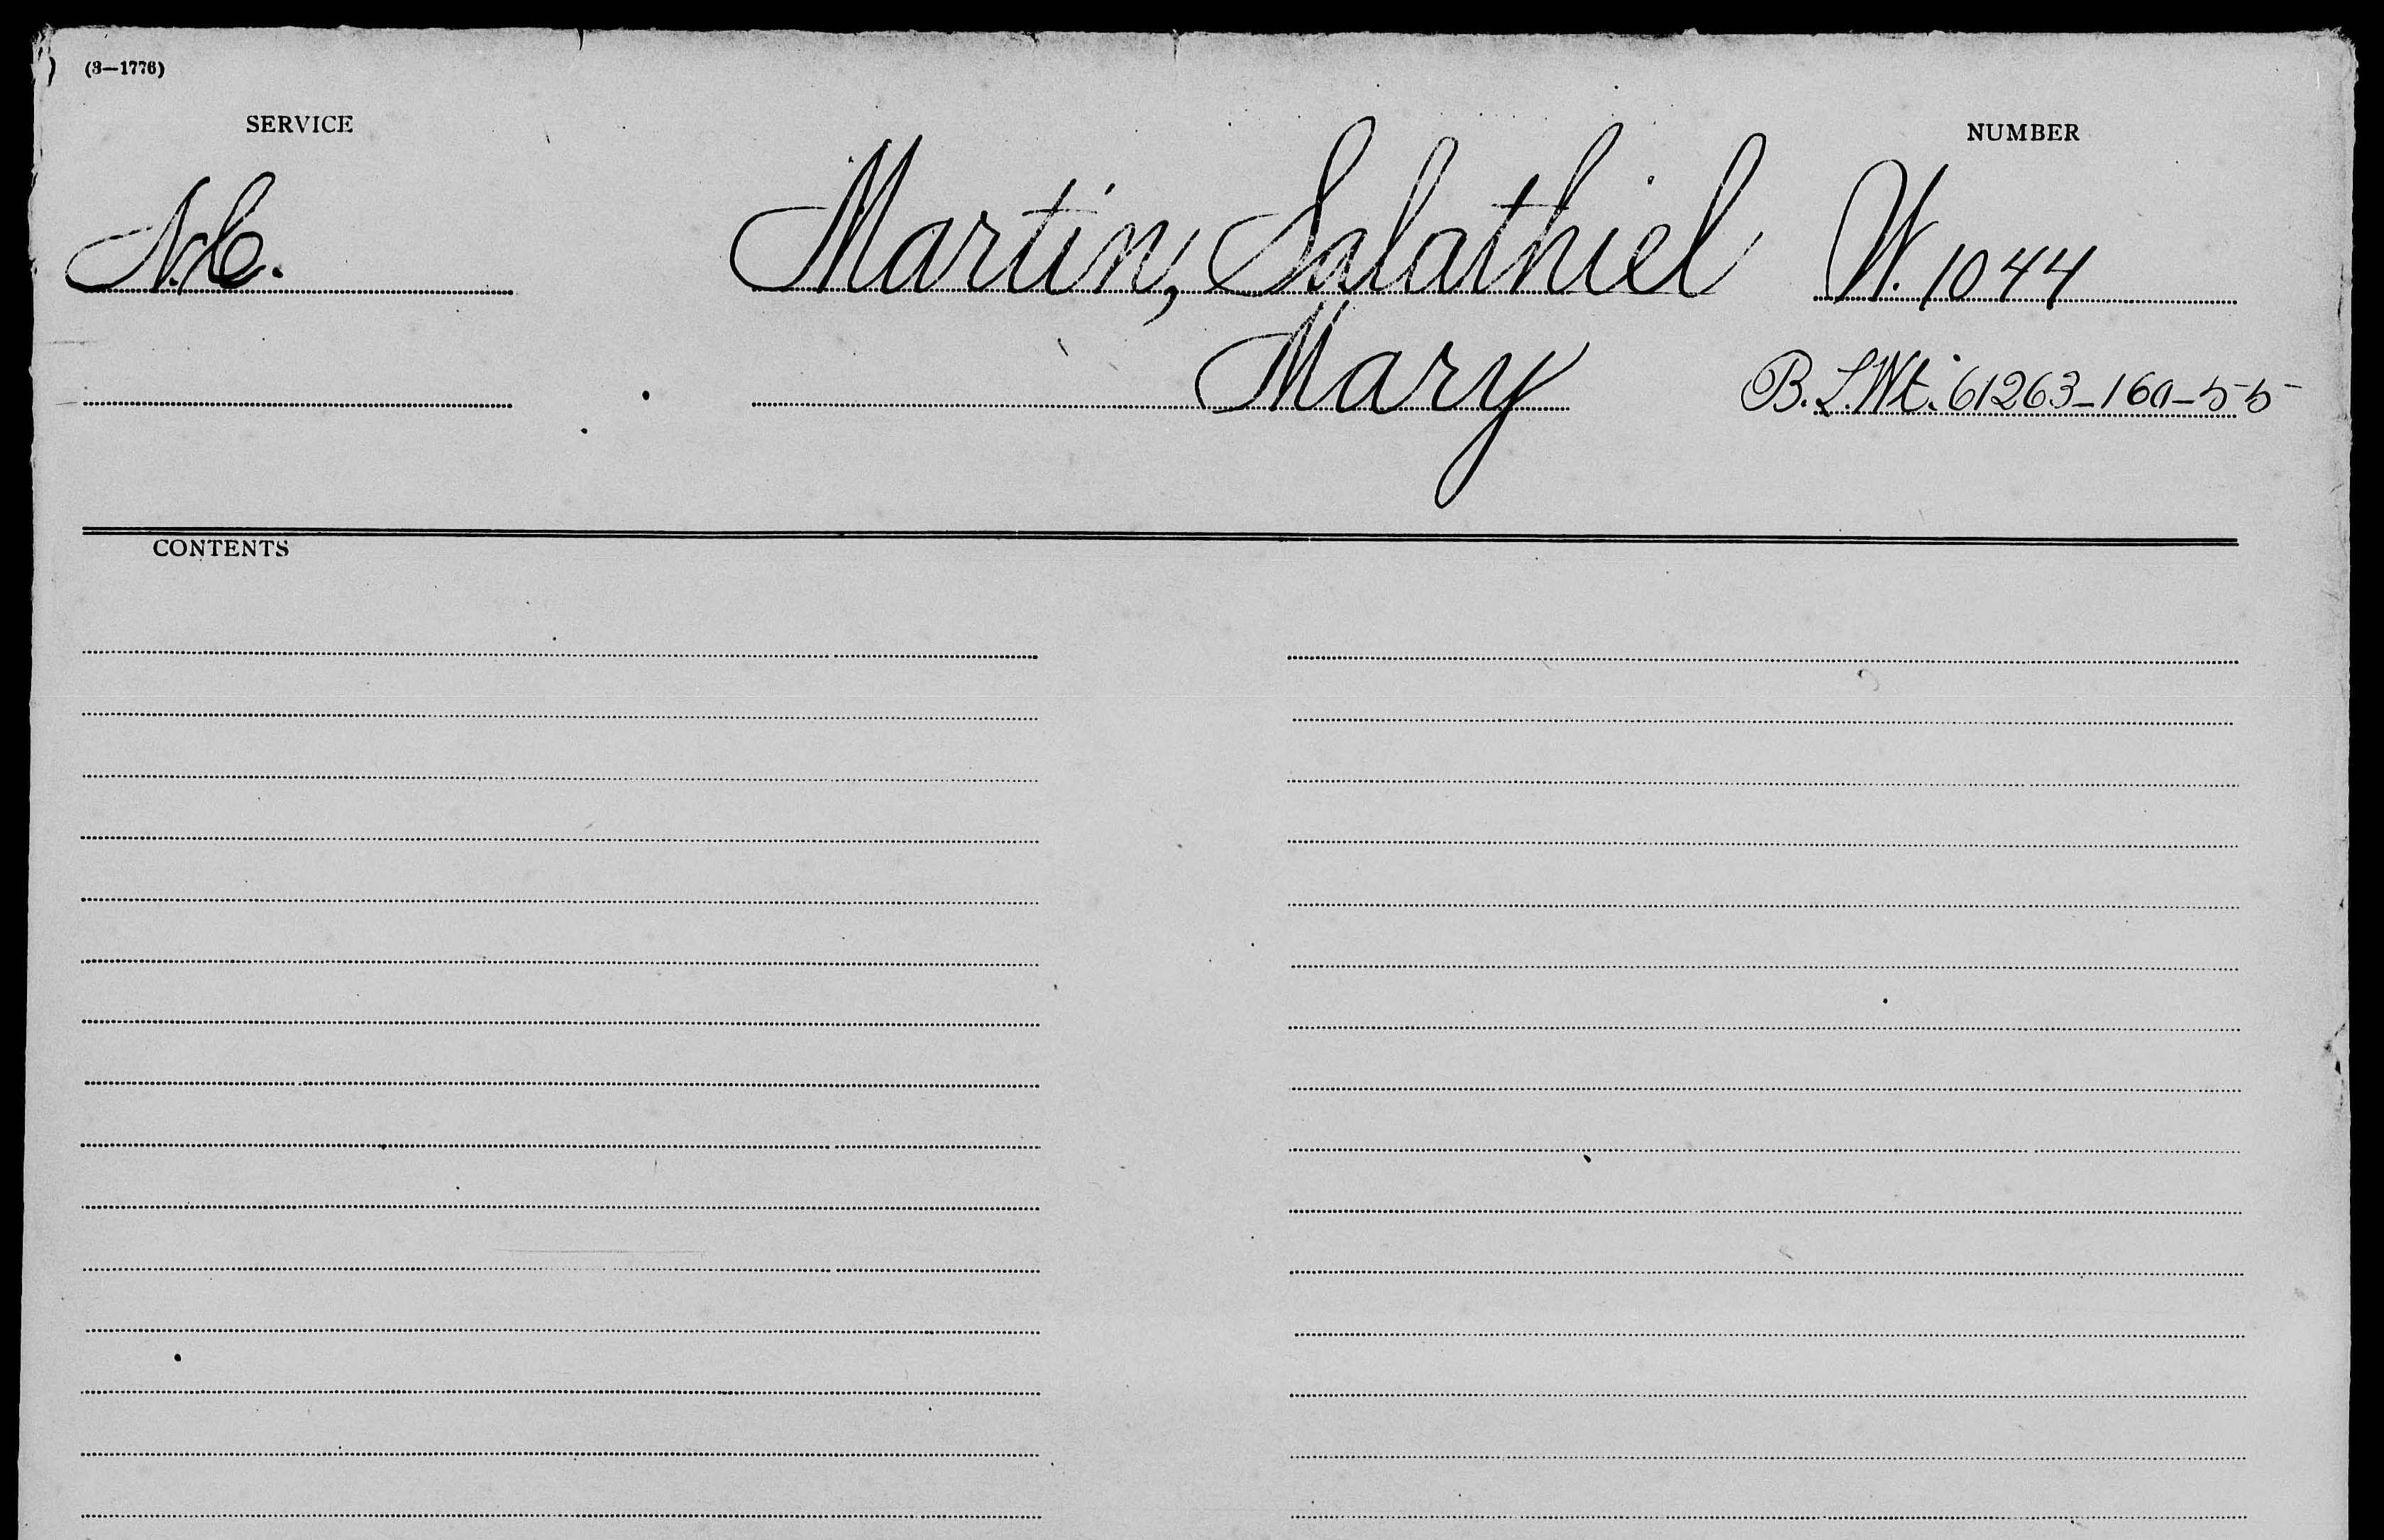(8-1778) 
SERVICE 
N.C. 

Martin, Salathiel 
Mary 

NUMBER 
W.1044 
B.L.Wt. 61263-160-55 

CONTENTS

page: 1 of 120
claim: widow's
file: W. 1044, for Salathiel Martin, North Carolina